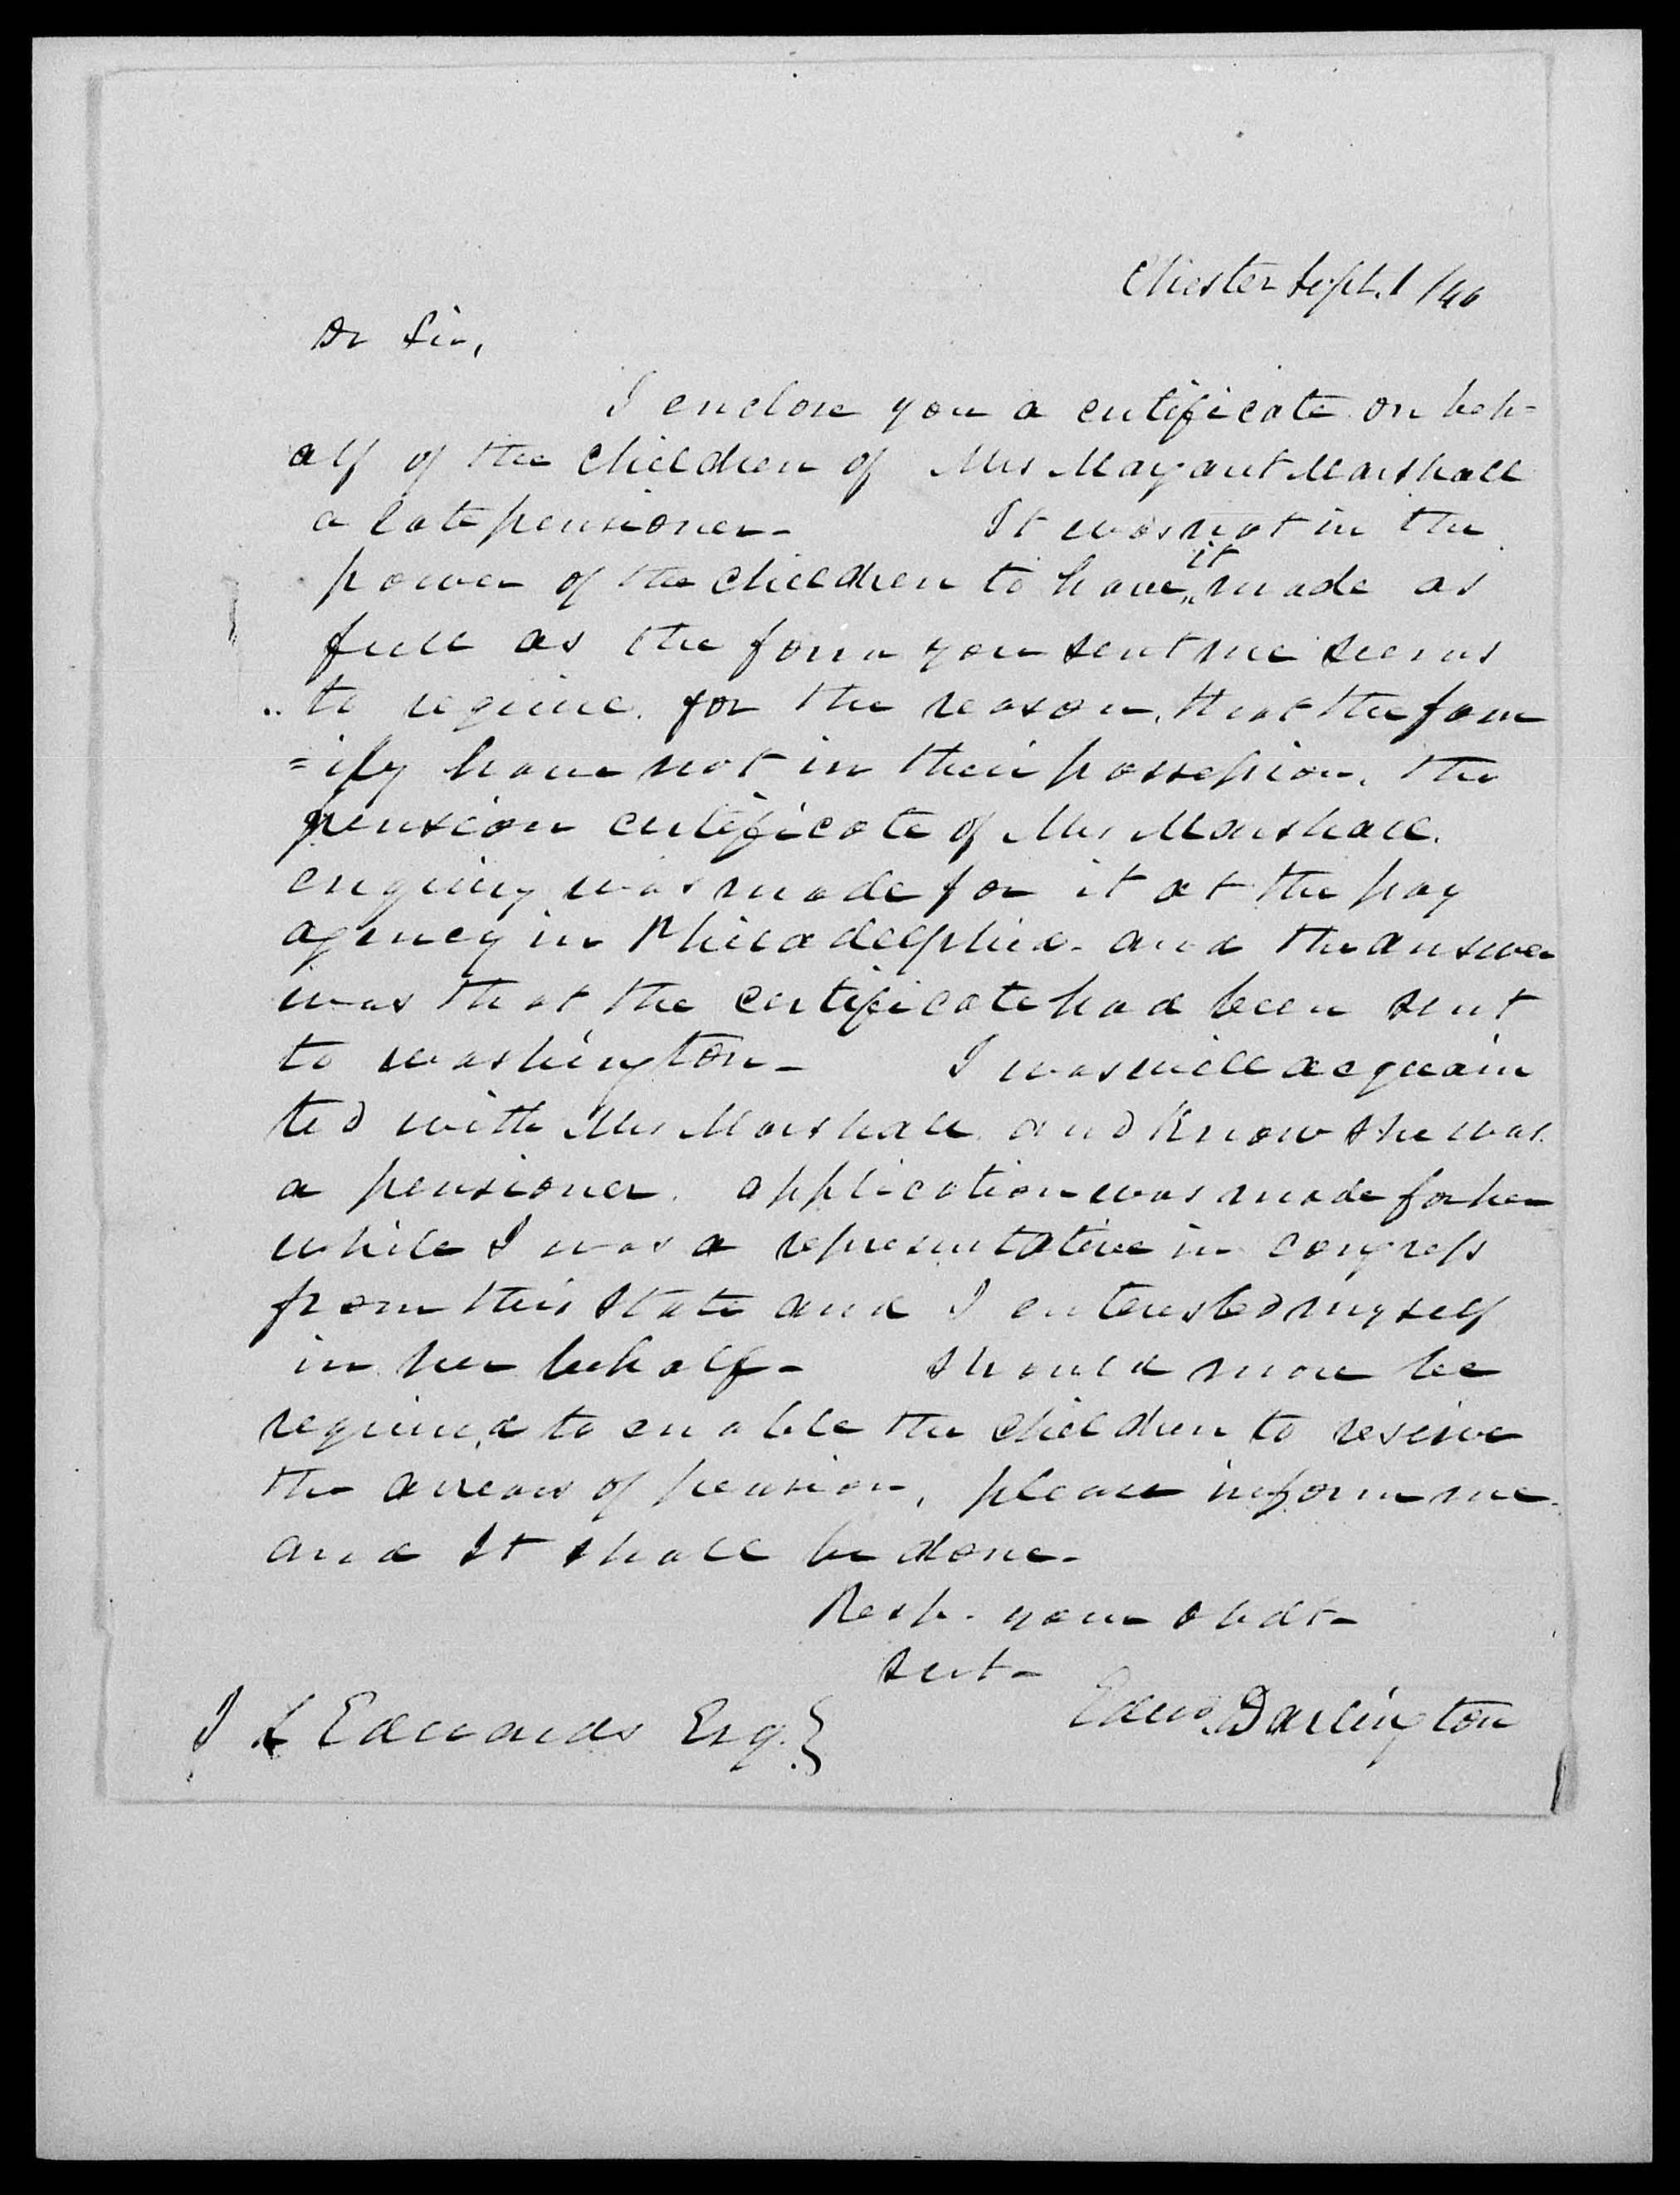Chesterfield /46

Dr Sir,

I enclosed you a certificate on behalf of the children of Mrs Margaret Marshall a late pensioner. It was [illegible] in the power of the children to have it made as full as the form you sent [ineligible] [illegible] to require for the reason [illegible] = idy leave {ineligible] in their [illegible]. The [illegible] certificate of [illegible] [illegible] inquiry was made for it at the hay agency in Philadelphia and the answer was that the certificate had been sent to Washington. I was well acquainted with this [ineligible] and know she was a pensioner. application was made for her while I was a representative in congress from this state and i entered [illegible] in her behalf. should more be required to enable the children to receive the award of pension, please inform [ineligible] and it shall be done.

[illegible] your obt. [illegible]
sent
Edwd Darlington
J L Edwards Esq }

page: 86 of 86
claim: widow's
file: W. 3571, for David Marshall, Pennsylvania